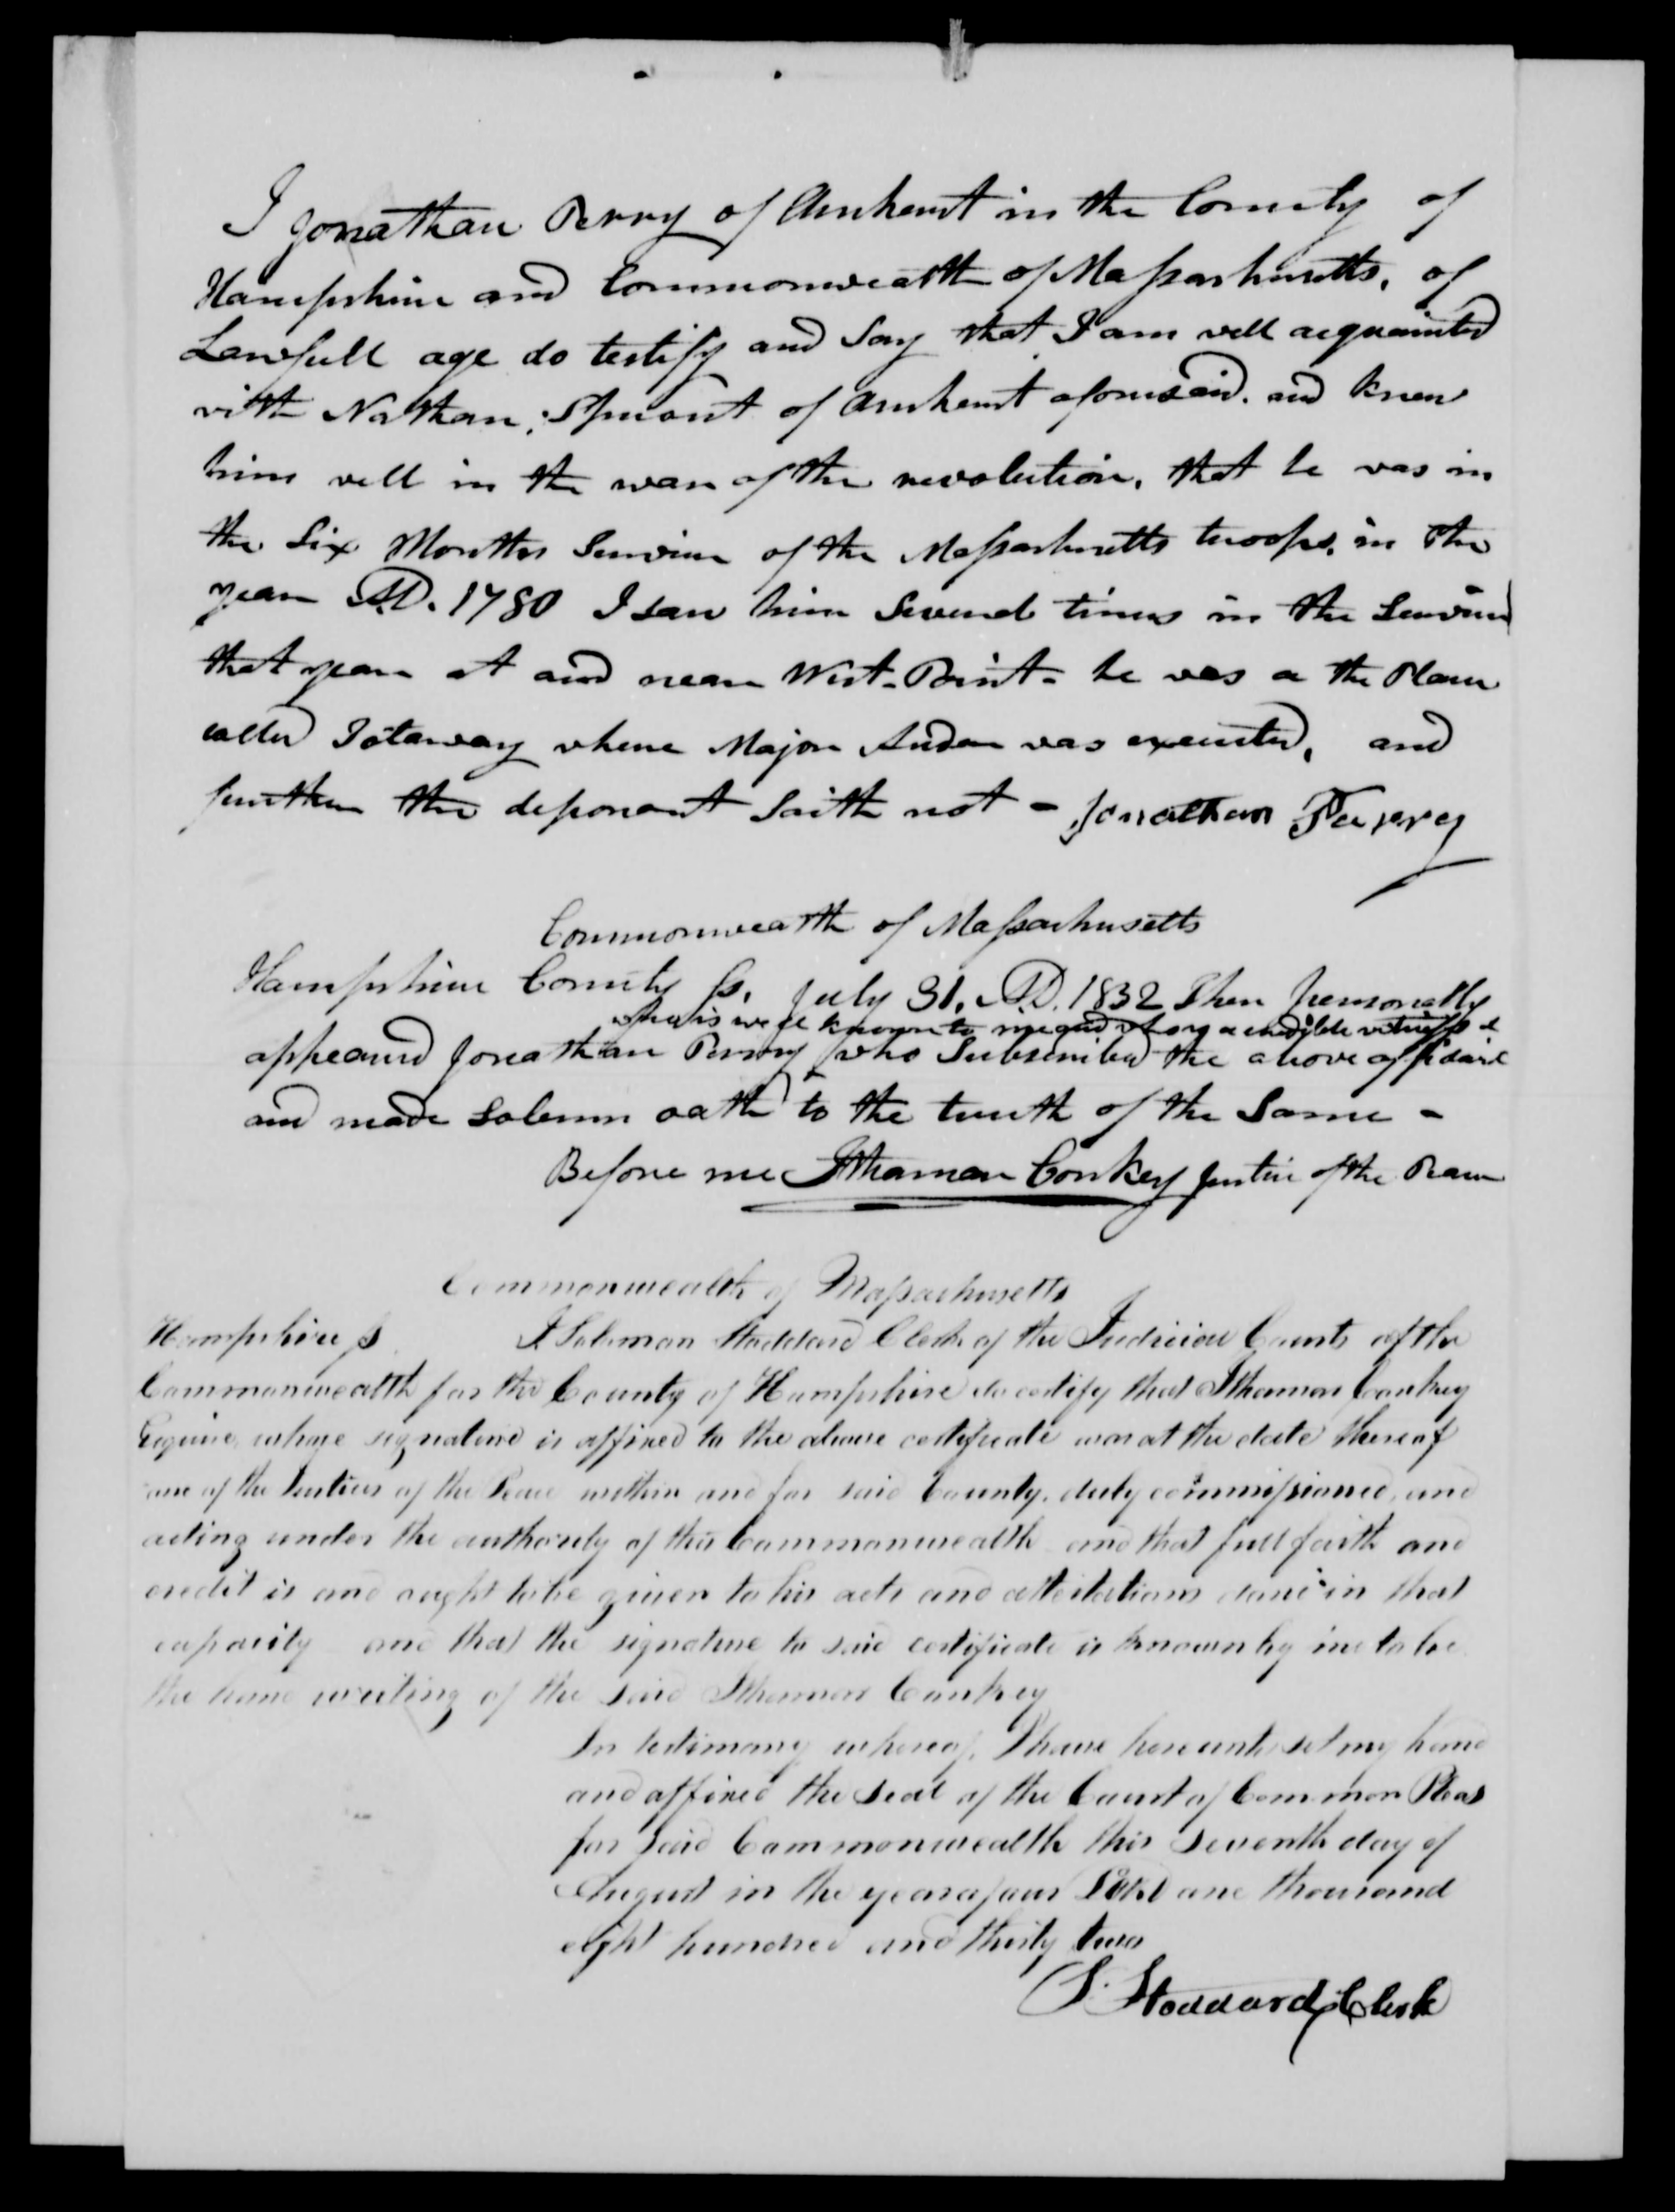I Jonathan Perry of Amhurst in the County of
Hampshire and Common wealth of Massachusetts, of
Lawfull age do testify and say that I am well acquainted
with Nathan Sprout of Amhurst aforesaid and know
him well in the war of the revolution, that he was in
the six months service of the Massachusetts troops in the
year A.D. 1780 I saw him several times in the service
that year at and [illegible] West Point he was a the place
called [?]ateway where Major Andre was executed, and
further the deponent saith not--
(signature of Jonathan Perry)

Common wealth of Massachusetts
Hampshire County ss.  July 31, A.D. 1832 [illegible] personally
[entire line illegible..........................]
appeared Jonathan Perry who subscribed the above affiant
and made solemn oath to the truth of the Same.
Before me J Thomas Conkey Justice of the Peace

Common wealth of Massachusetts
Hampshire ss.  I Soloman Strickland Clerk of the Judicial Court of the Commonwealth for the County of Hampshire do certify that Thomas Conkey Esquire whose signature is affixed to the above certificate was at the date thereof the Justices of the Peace within and for said County, duly commissioned and acting under the authority of this Commonwealth and that full faith and credit is and ought to be given to his acts and attestations done in that capacity and that the signature to said certificate is known by me to be the same writing of the said Thomas Conkey
In testimony whereof, I have hereunto set my hand
and affixed the seal of the Court of Common Pleas
for said Commonwealth this seventh day of
August in the year of our Lord one thousand
eight hundred and thirty two
T. Stoddard, Clerk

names: Jonathan Berry; Nathan Sprrout; Ithamar Conkey; [BLANK] Andre; S Stoddard; Soleman Stoddard; Jonathan Berry; Jonathan Berry; Ithamar Conkey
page: 10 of 32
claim: widow's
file: W. 2014, for Nathan Sprout, Massachusetts